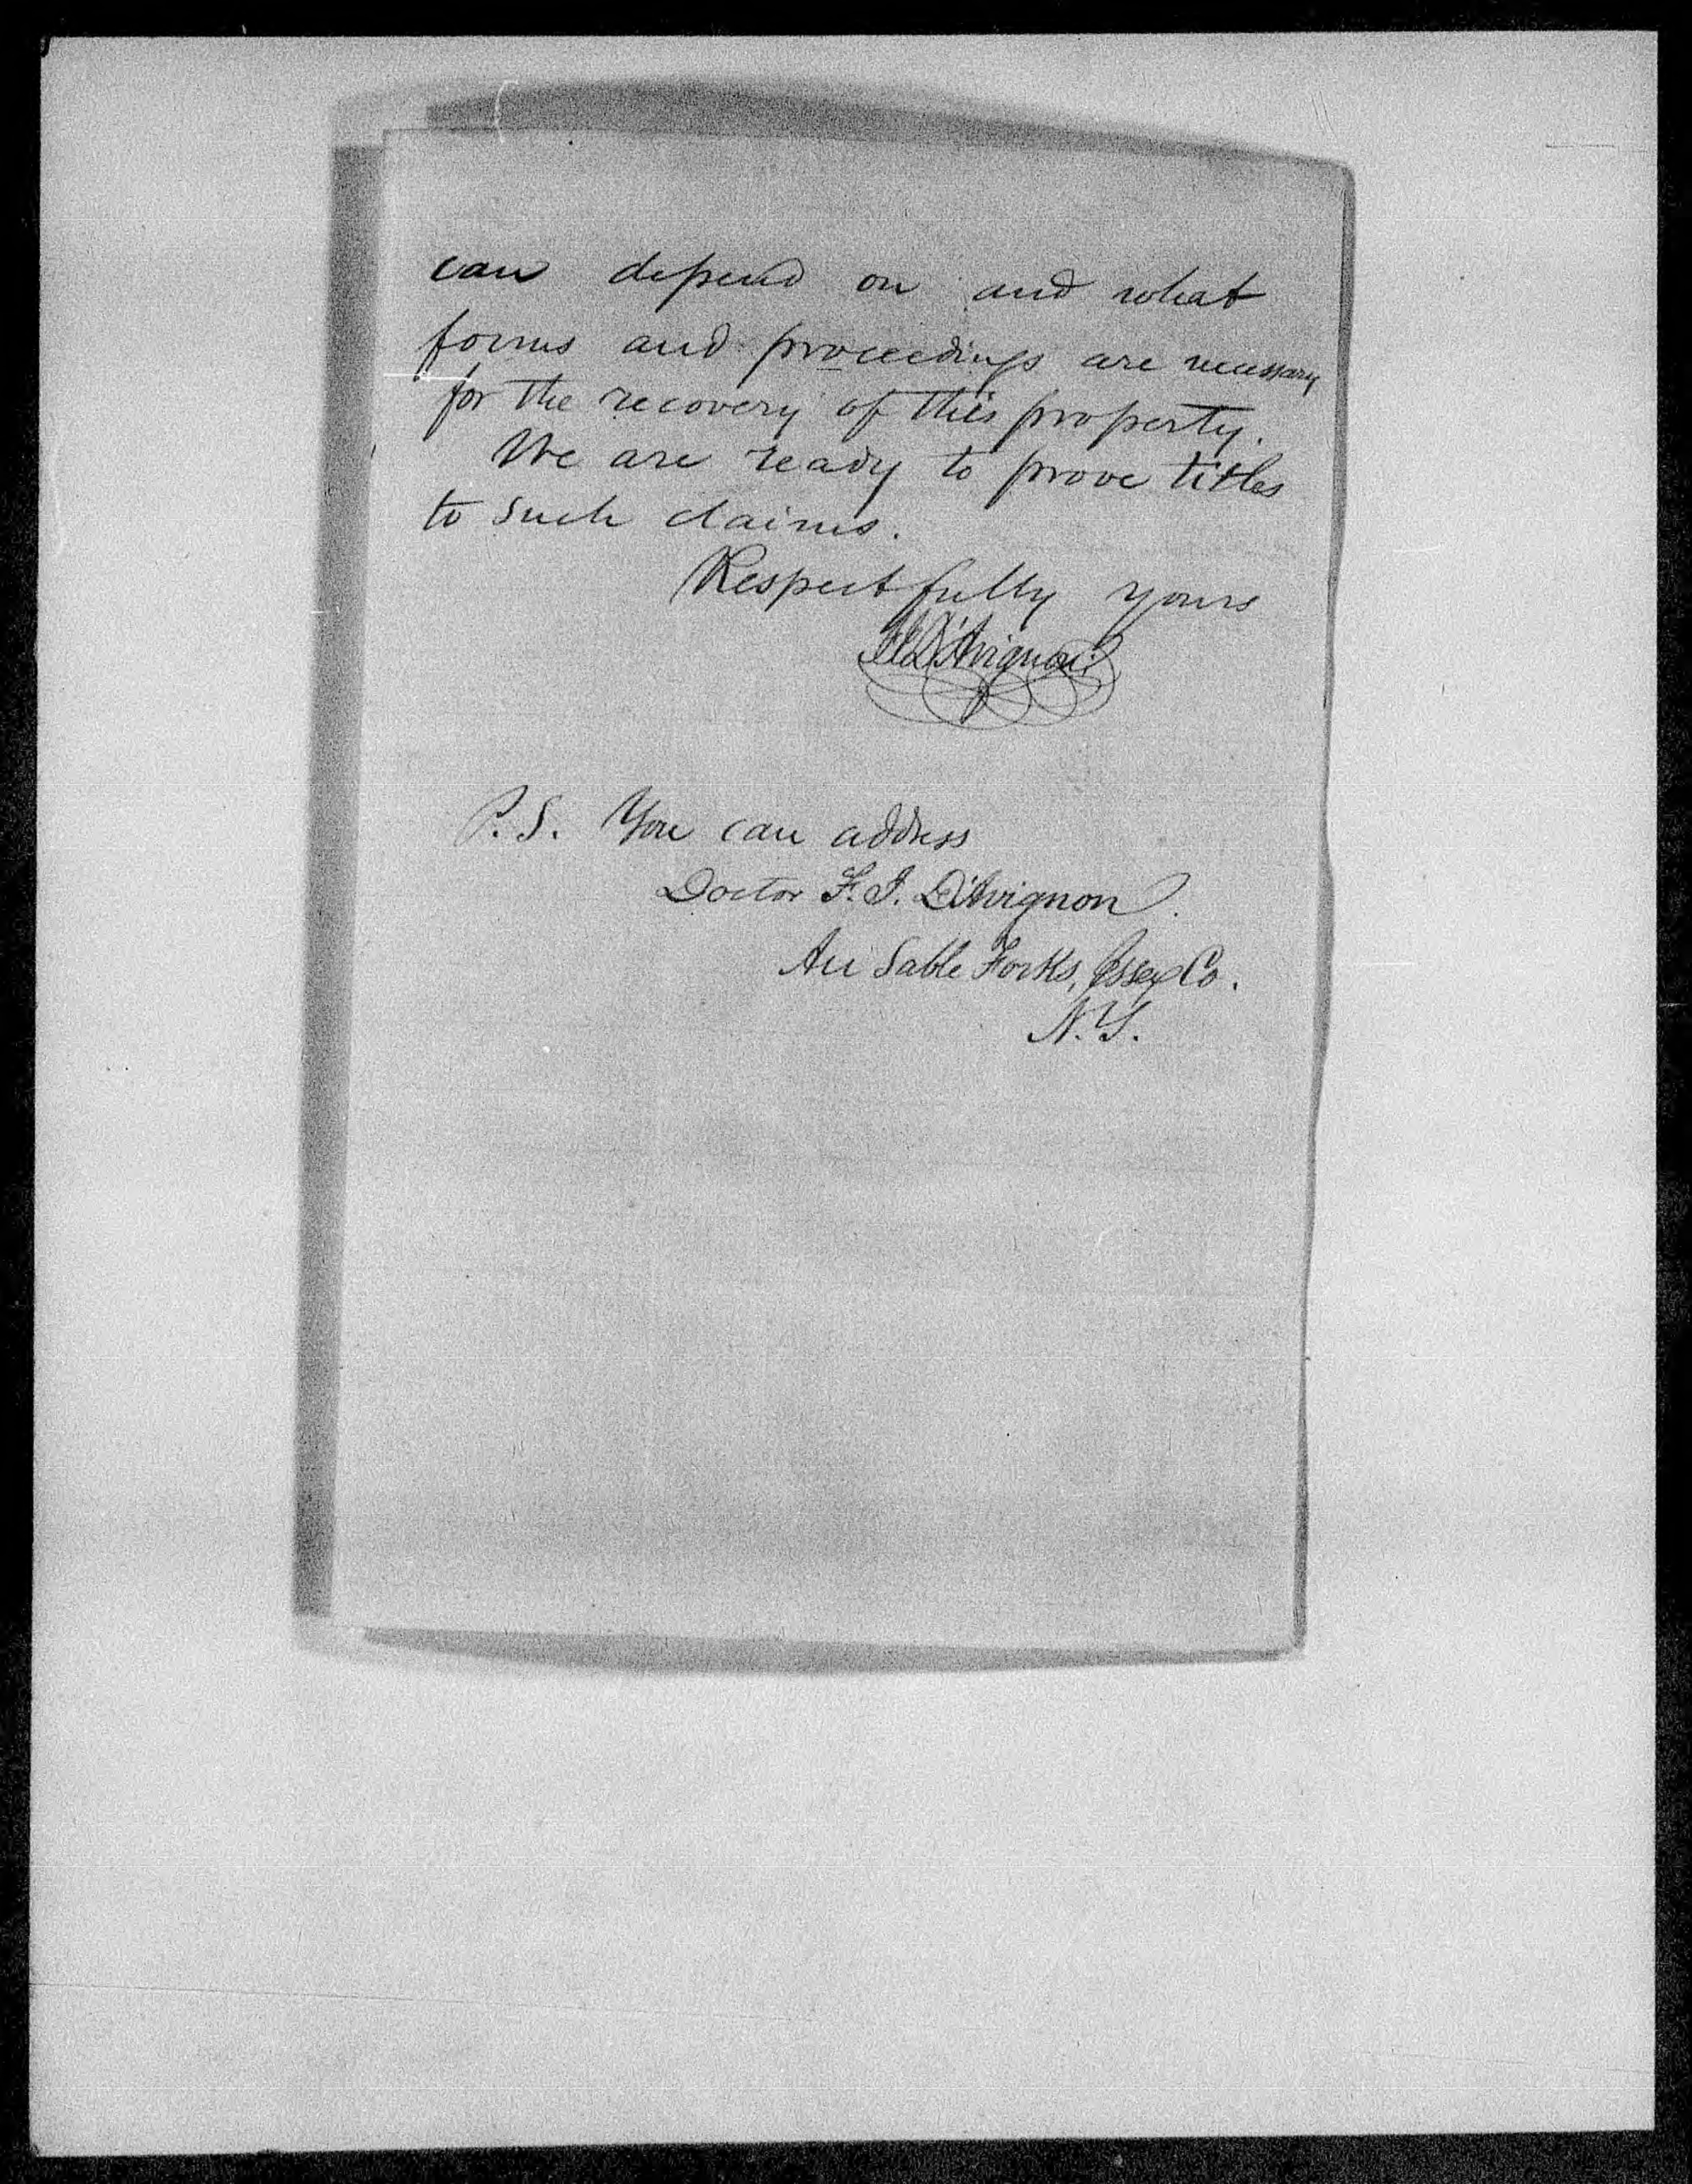can depend on and what forms and proceedings are neccessary for the recovery of this property. We are ready to prove titles to such claims.
Respectfully yours
F. J. D'Avignon

P.S. You can address 
Doctor F. J. D'Avignon
Au Sable Forks, Essex Co. N.Y.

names: F J D Avignon, F J D Avignon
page: 32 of 98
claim: widow's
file: W. 21182, Francis Gigo, Continental (Canadian)